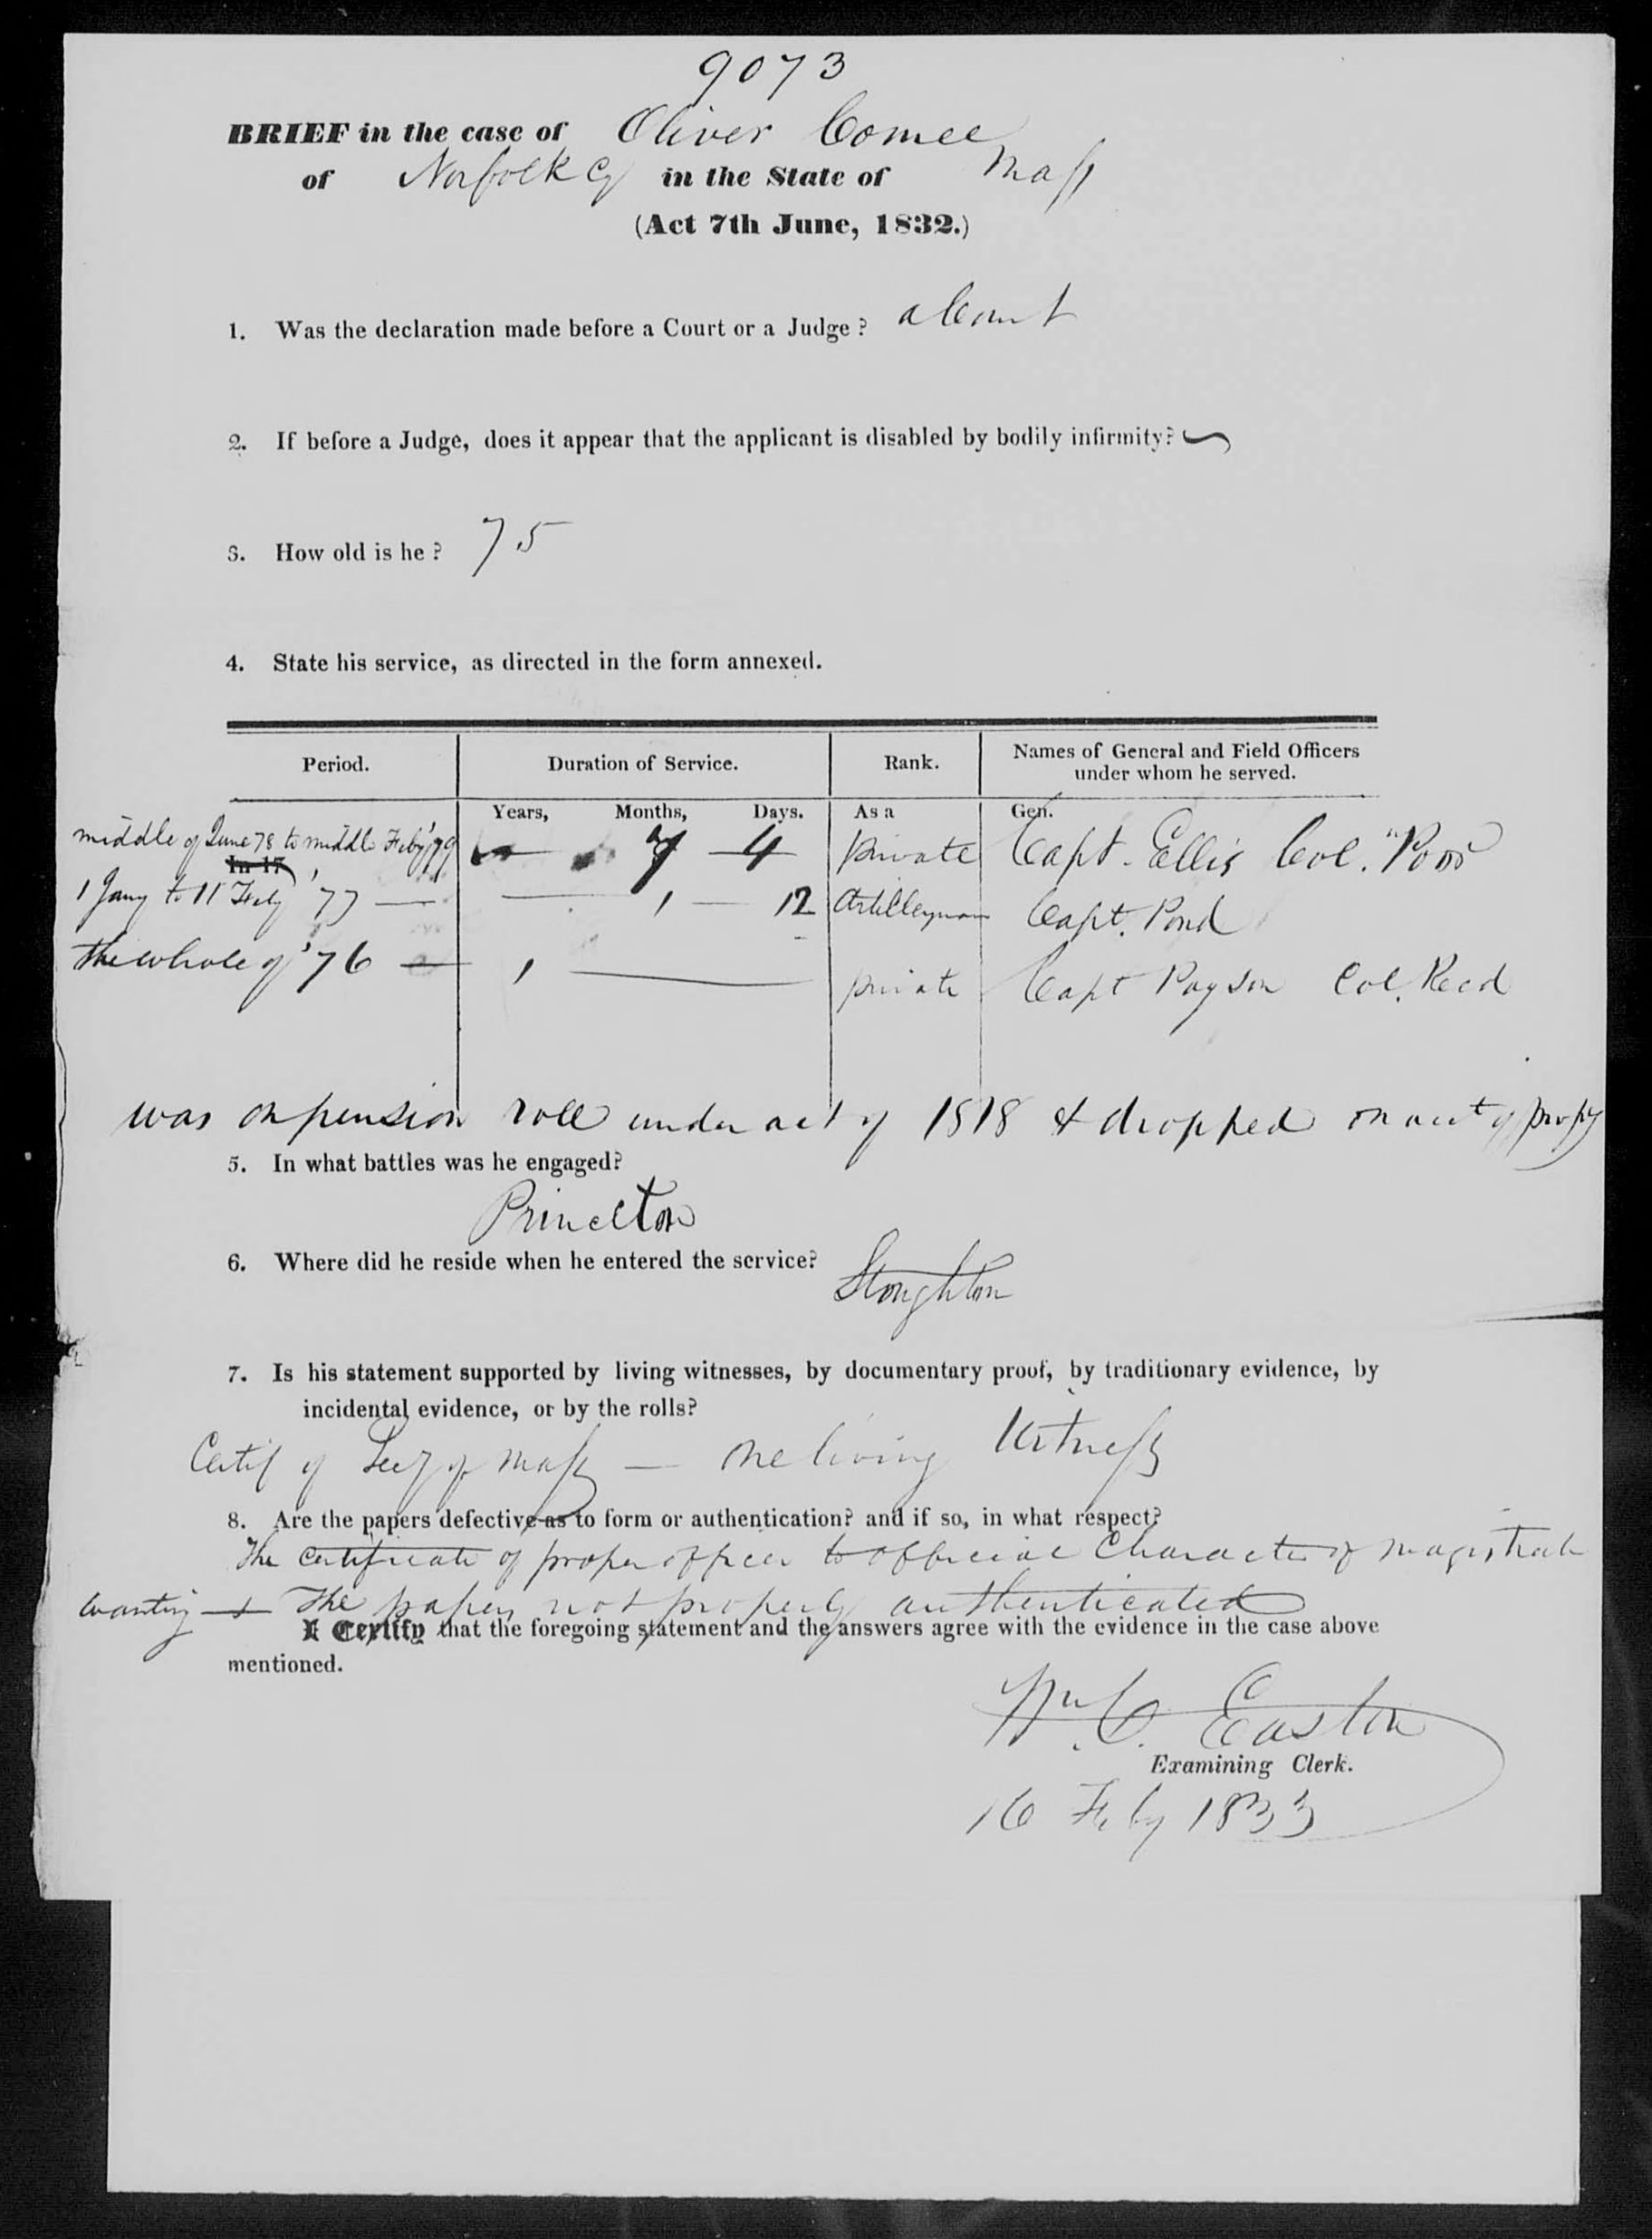9073 
BRIEF in the case of Oliver Comee of Norfolk C in the State of Mass (Act 7th June, 1832.)

1. Was the declaration made before a Court or a Judge? A Court 

2. If before a Judge, does it appear that the applicant is disabled by bodily infirmity? —

3. How old is he? 75 

4. State his service, as directed in the form annexed.

Period. middle of June 78 to middle Feby’ 79
Duration of Service. -Years,  7 Months, 4 Days.
Rank. As a Private
Names of General and Field Officers under whom he served. Capt. Ellis Col. Poor

Period. 1 Jany to 11 Feby 77 
Duration of Service. -Years, 1 Months, 12 Days.
Rank. As a artilleryman
Names of General and Field Officers under whom he served. Capt. Pond

Period. the whole of 76 
Duration of Service. 1 Years, - Months, - Days.
Rank. As a Private 
Names of General and Field Officers under whom he served. Capt Payson Col. Reed 

was on pension roll under act of 1818 & dropped or acct of propy 

5. In what battles was he engaged? Princeton

6. Where did he reside when he entered the service? Stoughton 

7. Is his statement supported by living witnesses, by documentary proof, by traditionary evidence, by incidental evidence, or by the rolls? Certif of Peer of Mass  - he living Witness 

8. Are the papers defectiv for to form or authentication? and if so, in what respect? The certificate of proper officer to official character of magistrate wanting — the paper not properly authenticated 

I Certify that the foregoing statement and in answers agree with the evidence in the case above mentioned. 
Wm. C. Easton
 Examining Clerk. 
16 Feby 1833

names: Ellis, Payson, Oliver Comee, Wm C Easton, Poor, Pond, Reed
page: 15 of 45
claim: widow's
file: W. 14,567, Oliver Comee, Mass.